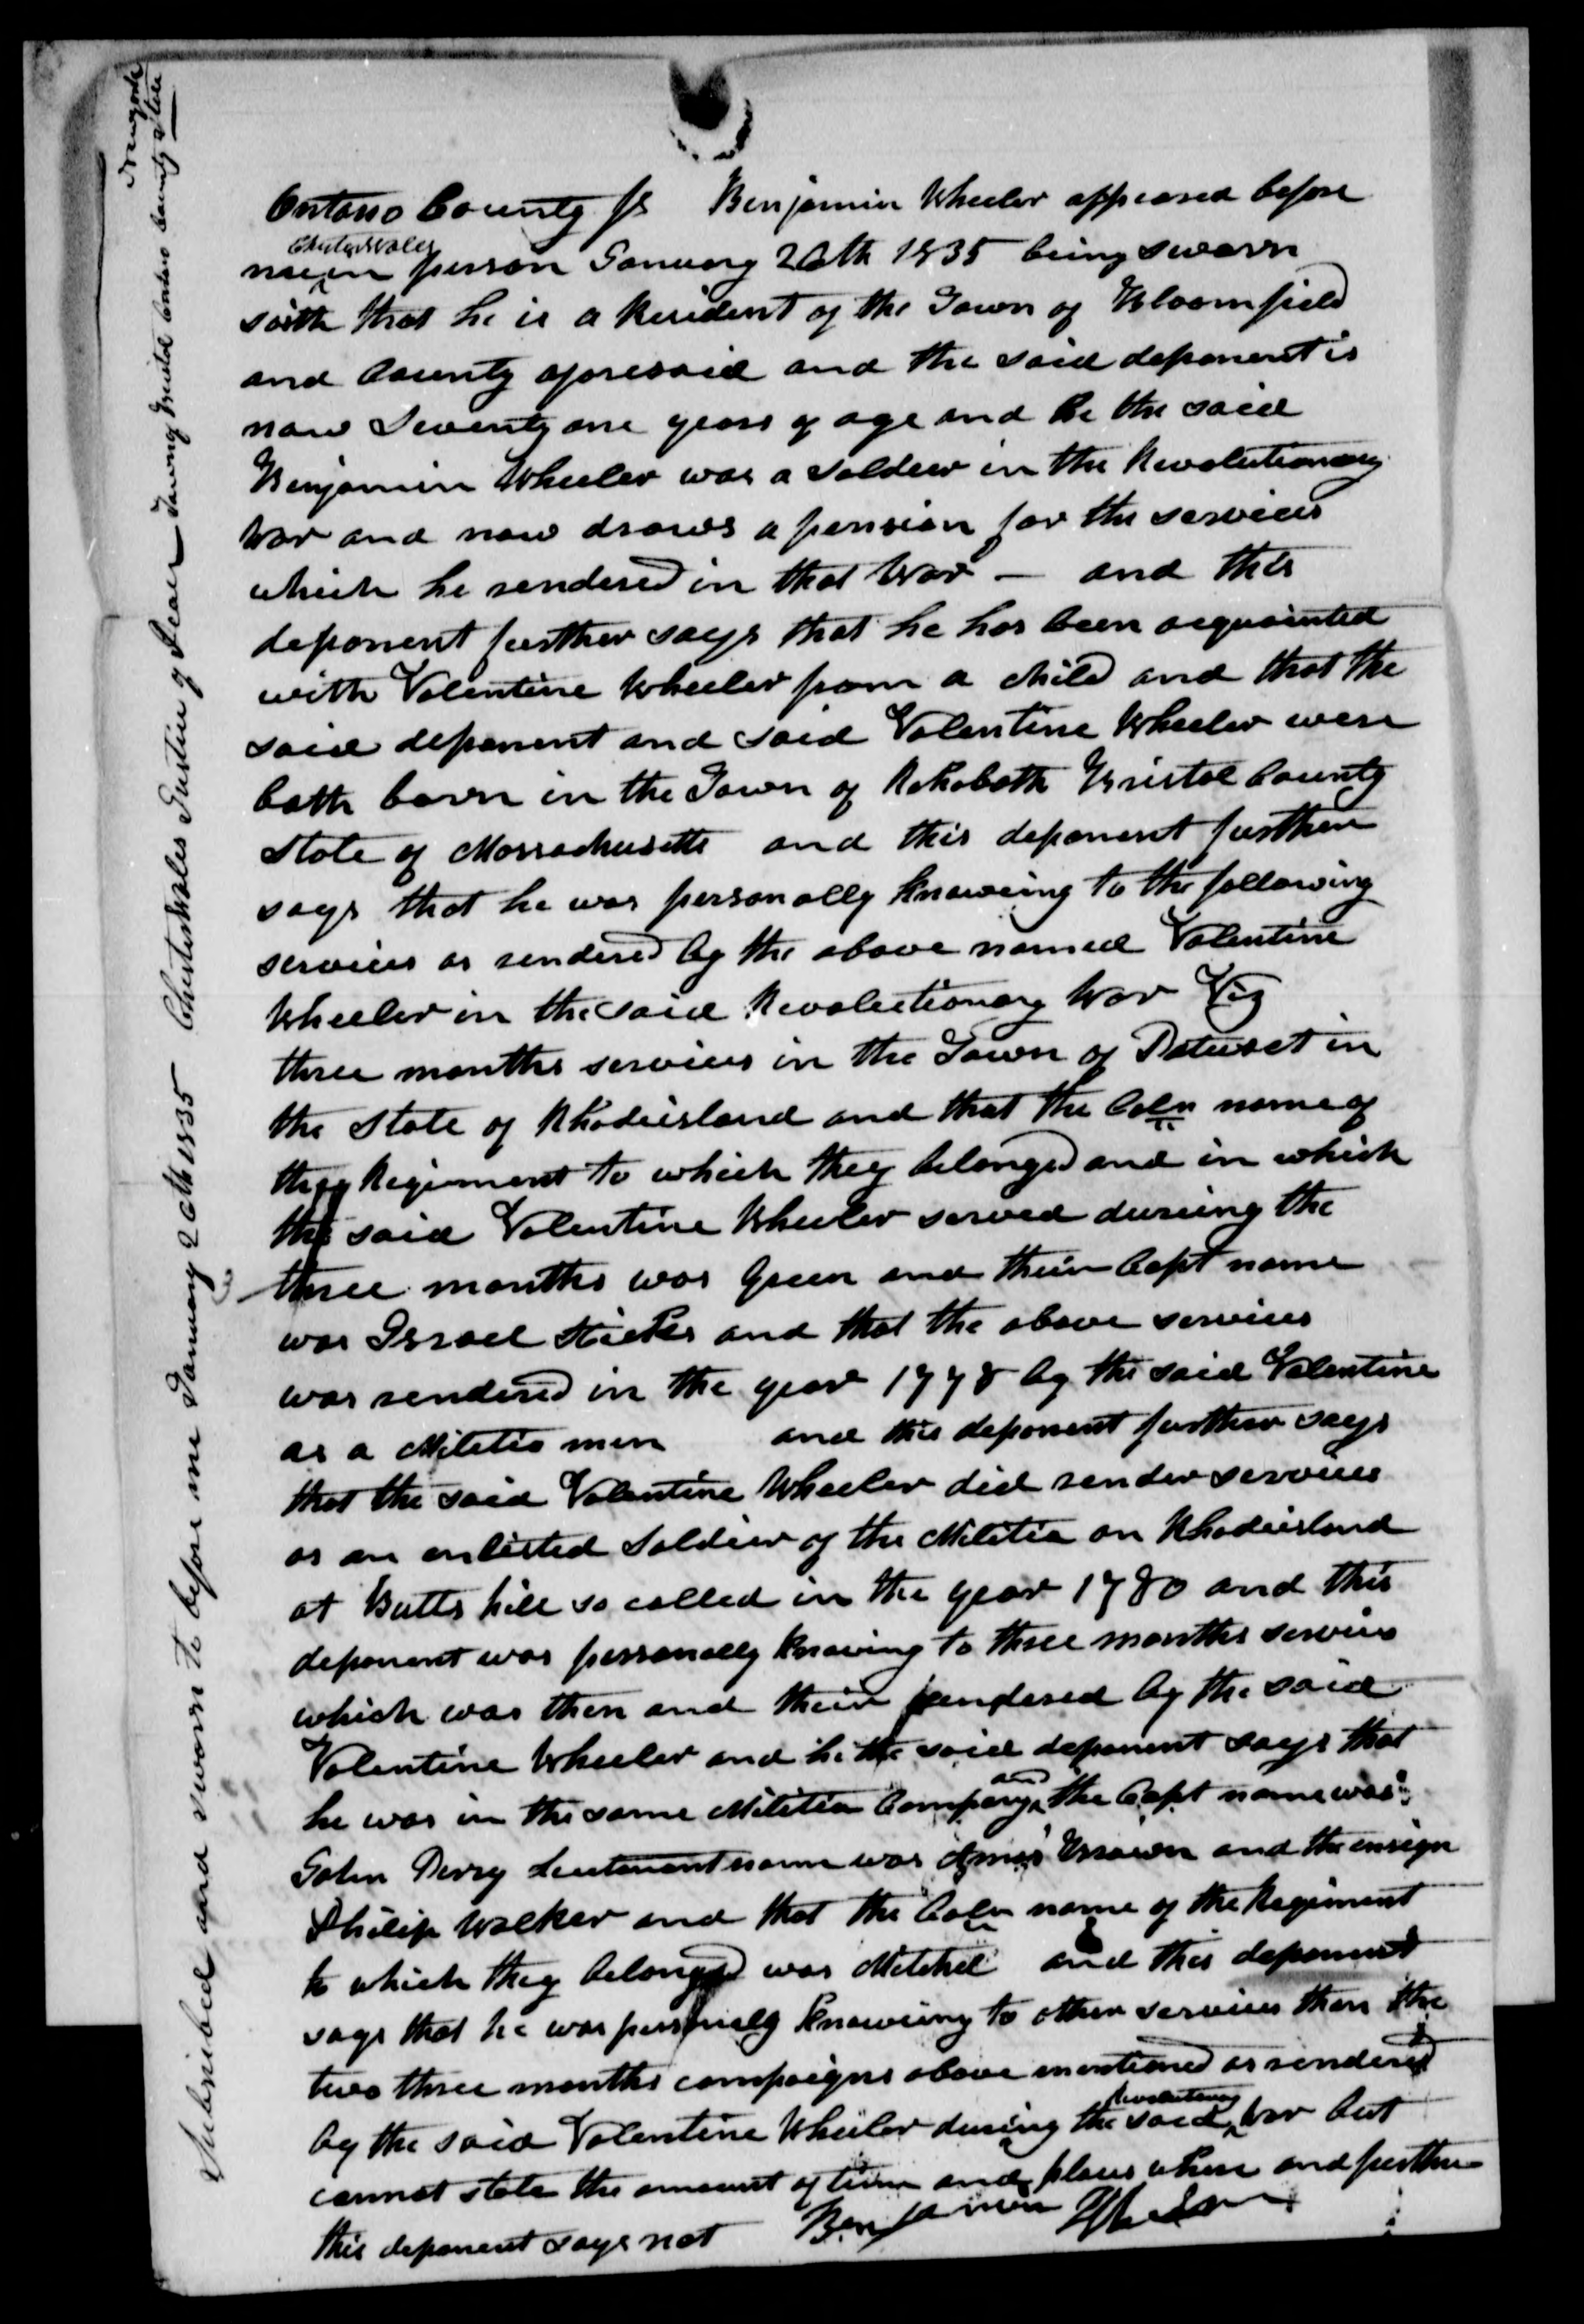Ontario County SS
Benjamin Wheeler appeared before me ^Chester Wales^ in person January 26th 1835 being sworn saith that he is a resident of the Town of Bloomfield and county aforesaid and the said deponent is now seventy one years of age and he the said Benjamin Wheeler was a soldier in the Revolutionary war and now draws a pension for the services which he rendered in that War. And this deponent further says that he has been acquainted with Valentine Wheeler from a child and that the said deponent and said Valentine Wheeler were both born in the Town of Rehoboth Bristol County State of Massachusetts and this deponent further says that he was personally knowing to the following services as rendered by the above named Valentine Wheeler in the said Revolutionary War, viz,
three months services in the Town of Patuxet in the State of Rhodeisland and that the Coln. name of the regiment to which they belonged and in which the said Valentine Wheeler served during the three months was Green and their Capt. name was Israel Hicks and that the above services was rendered in the year 1778 by the said Valentine as a Militia men and this  deponent further says that the said Valentine Wheeler did render services as an enlisted soldier of the Militia on Rhodeisland at Butts hill so called in the year 1780 and this deponent was personally knowing to three months service which was then and their rendered by the said Valentine Wheeler and he the said deponent says that he was in the same Militia Company and the Capt. name was John Perry Lieutenant name was Amos (illegible) and the ensign Philip Walker and that the Coln. name of the Regiment to which they belonged was Mitchel and this deponent says that he was personally knowing to other services than the two three months companies above mentioned as rendered by the said Valentine Wheeler during the said Revolutionary war but cannot  state the amount of them and places where and further this deponent days not. 
Benjamin Wheeler
Subscribed and sworn to before me, January 26, 1835 Chester Wales, Justivce of Peace
Town of Bristol Ontarion County New york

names: Israel Hicks, Chester Wales, Benjamin Wheeler, Philip Walker, John Perry, Volentine Wheeler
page: 90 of 98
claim: widow's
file: W. 1682, Valentine Wheeler, Mass.